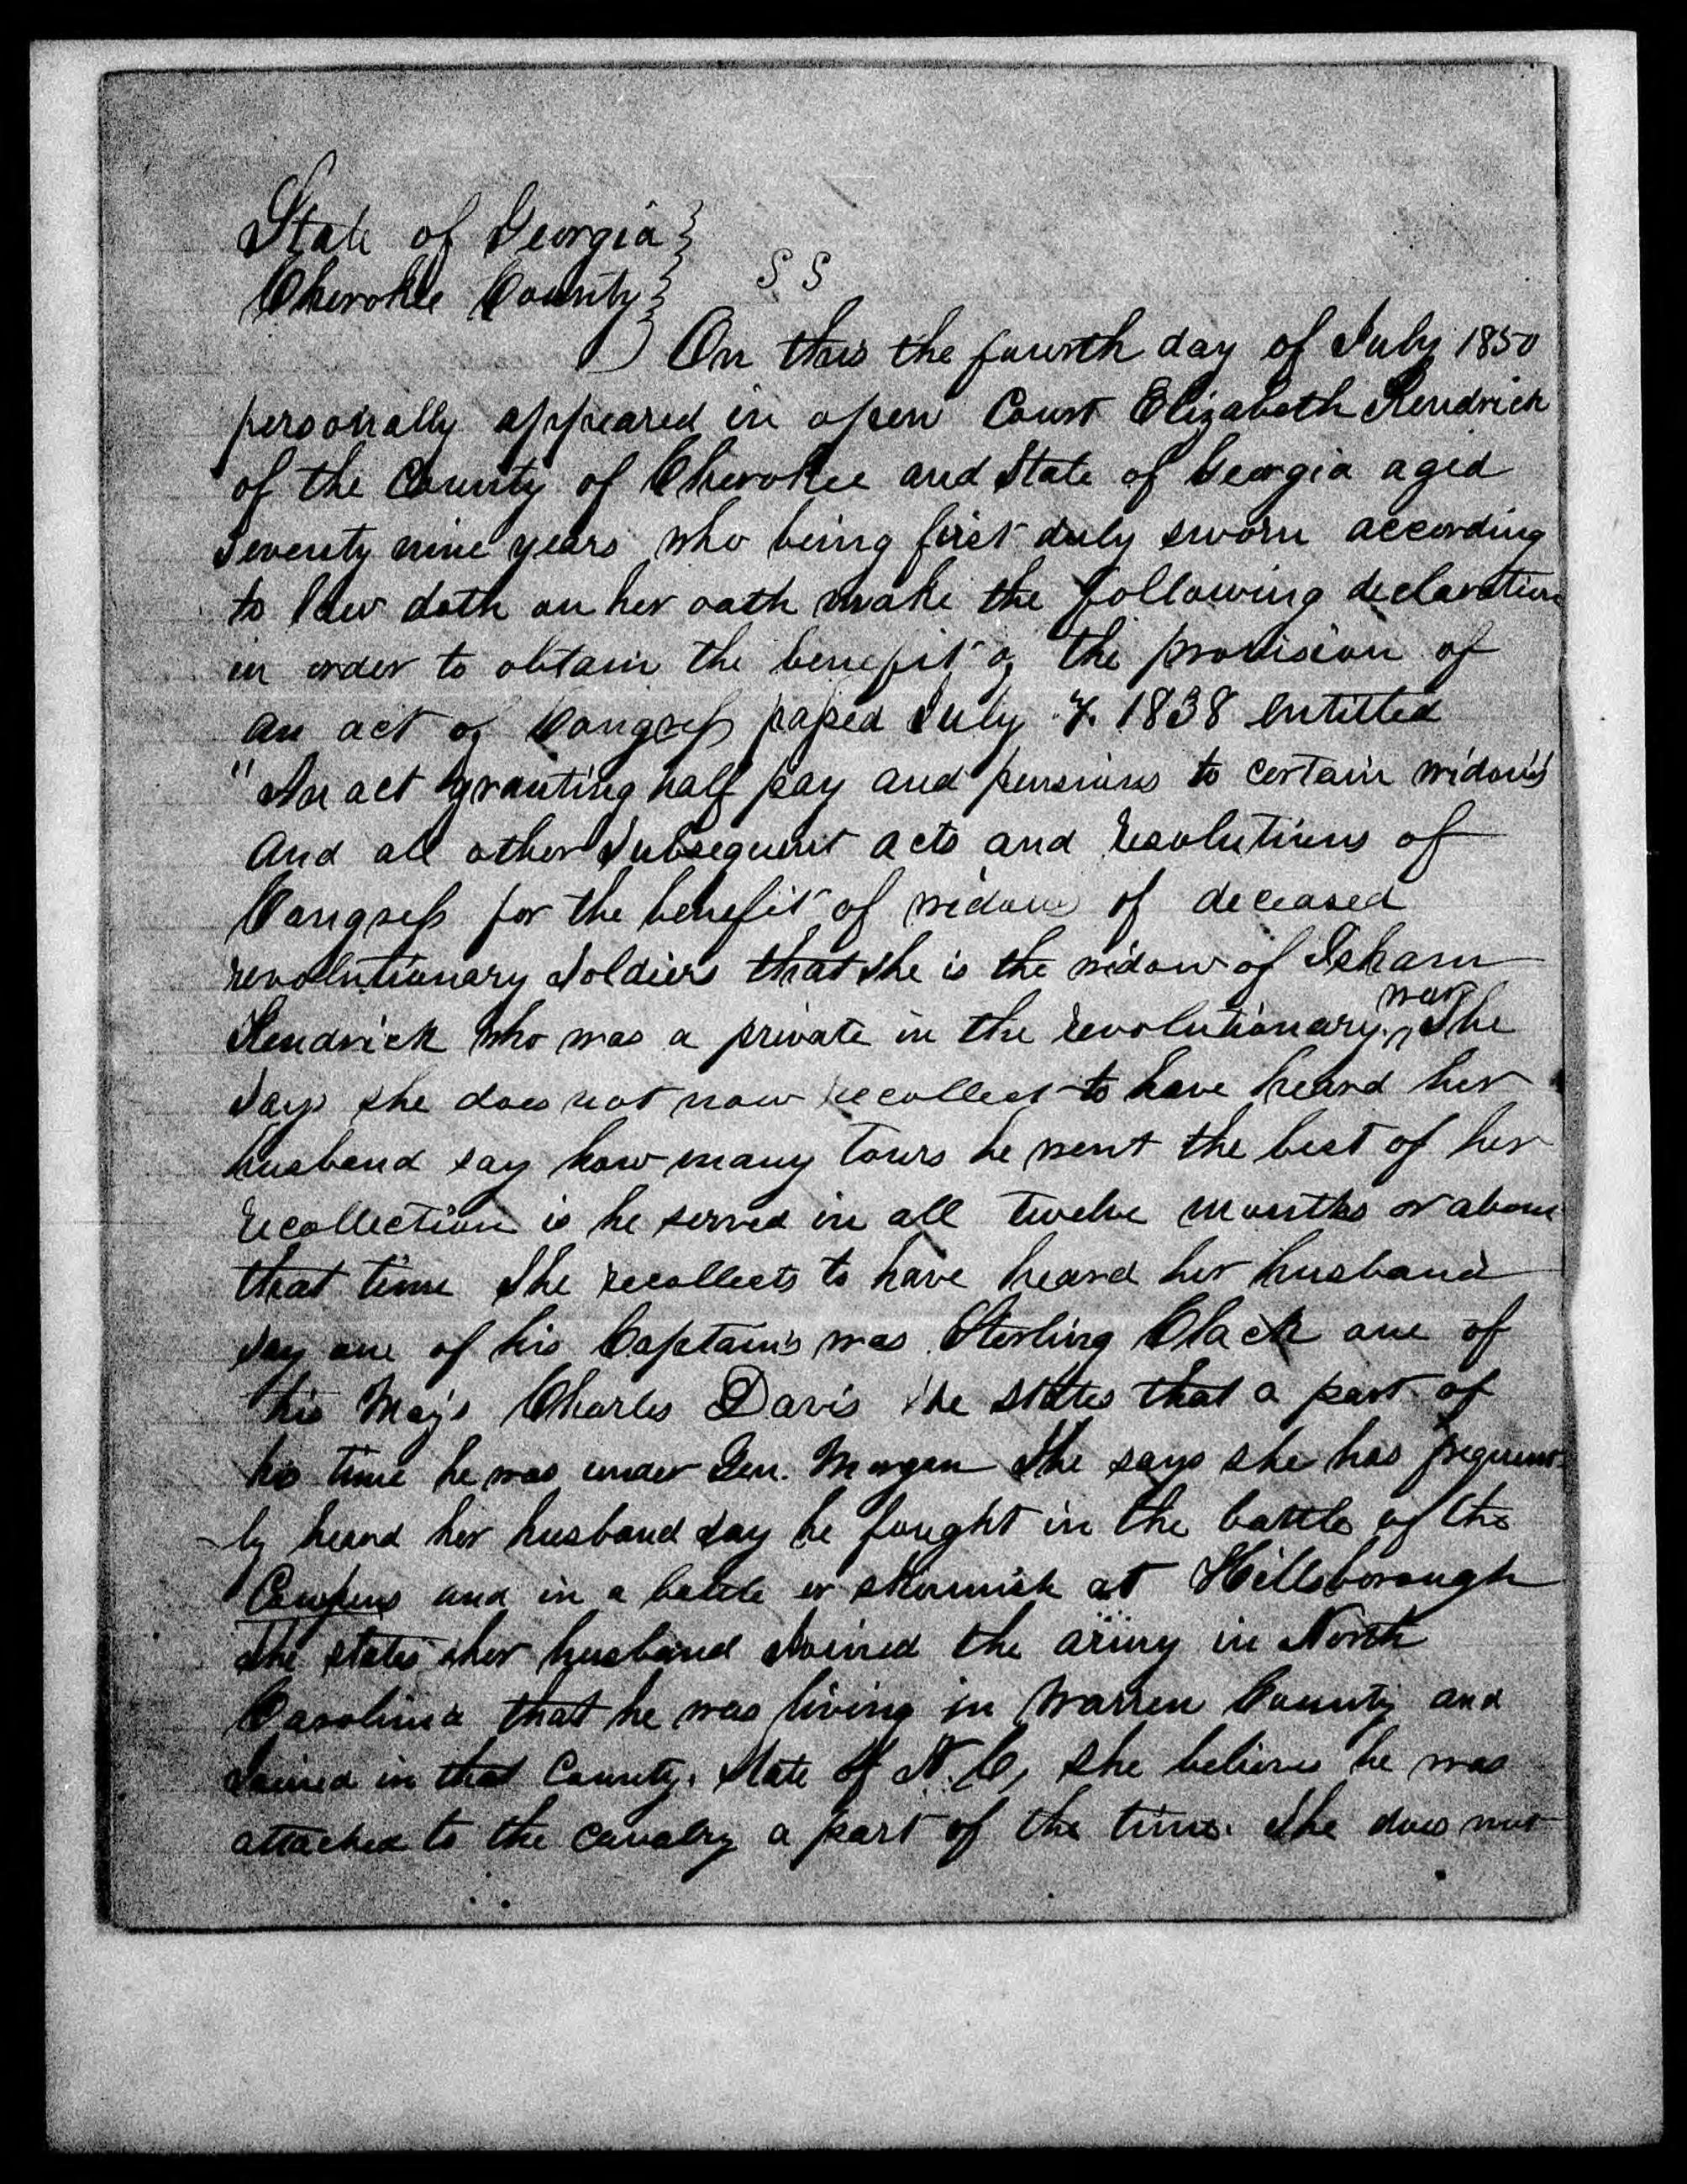State of Georgia
Cherokee County SS.

On this the  fourth day of July 1850 
personally appeared in open Court Elizabeth Kendrick 
of the Country of Cherokee and State of Georgia aged 
seventy nine years who being first dully 
sworn according 
to law doth on her oath make the following declaration 
in order to obtain the benefit of the provision of
an act of Congress passed July 7 1838 entitled 
"An act granting half pay and pensions to certain widows
and all other subsequent acts and resolutions of 
Congress for the benefit of widow of deceased 
revolutionary soldier that she is the widow of Isham 
Kendrick who was a private in the revolutionary war. She 
says she does not now recollect to have heard her 
husband say how many tours he went the best of her 
recollection is he served in all twelve months or above 
that time She recollects to have heard her husband 
say one of his Captains was Sterling Clack one of 
his Majs Charles Davis She states that a part of 
his time he was under Gen. Morgan She says she has frequently 
heard her husband say he fought in the battle of the 
Cowpens and in a battle or skirmish at Hillsborough 
She states her husband joined the army in North 
Carolina that he was living in Warren County and 
lived in that County, State of N.C., she believes he was 
attached to the cavalry a part of the time. She does not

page: 2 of 29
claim: rejected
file: R. 5862, for Isham Kendrick, North Carolina